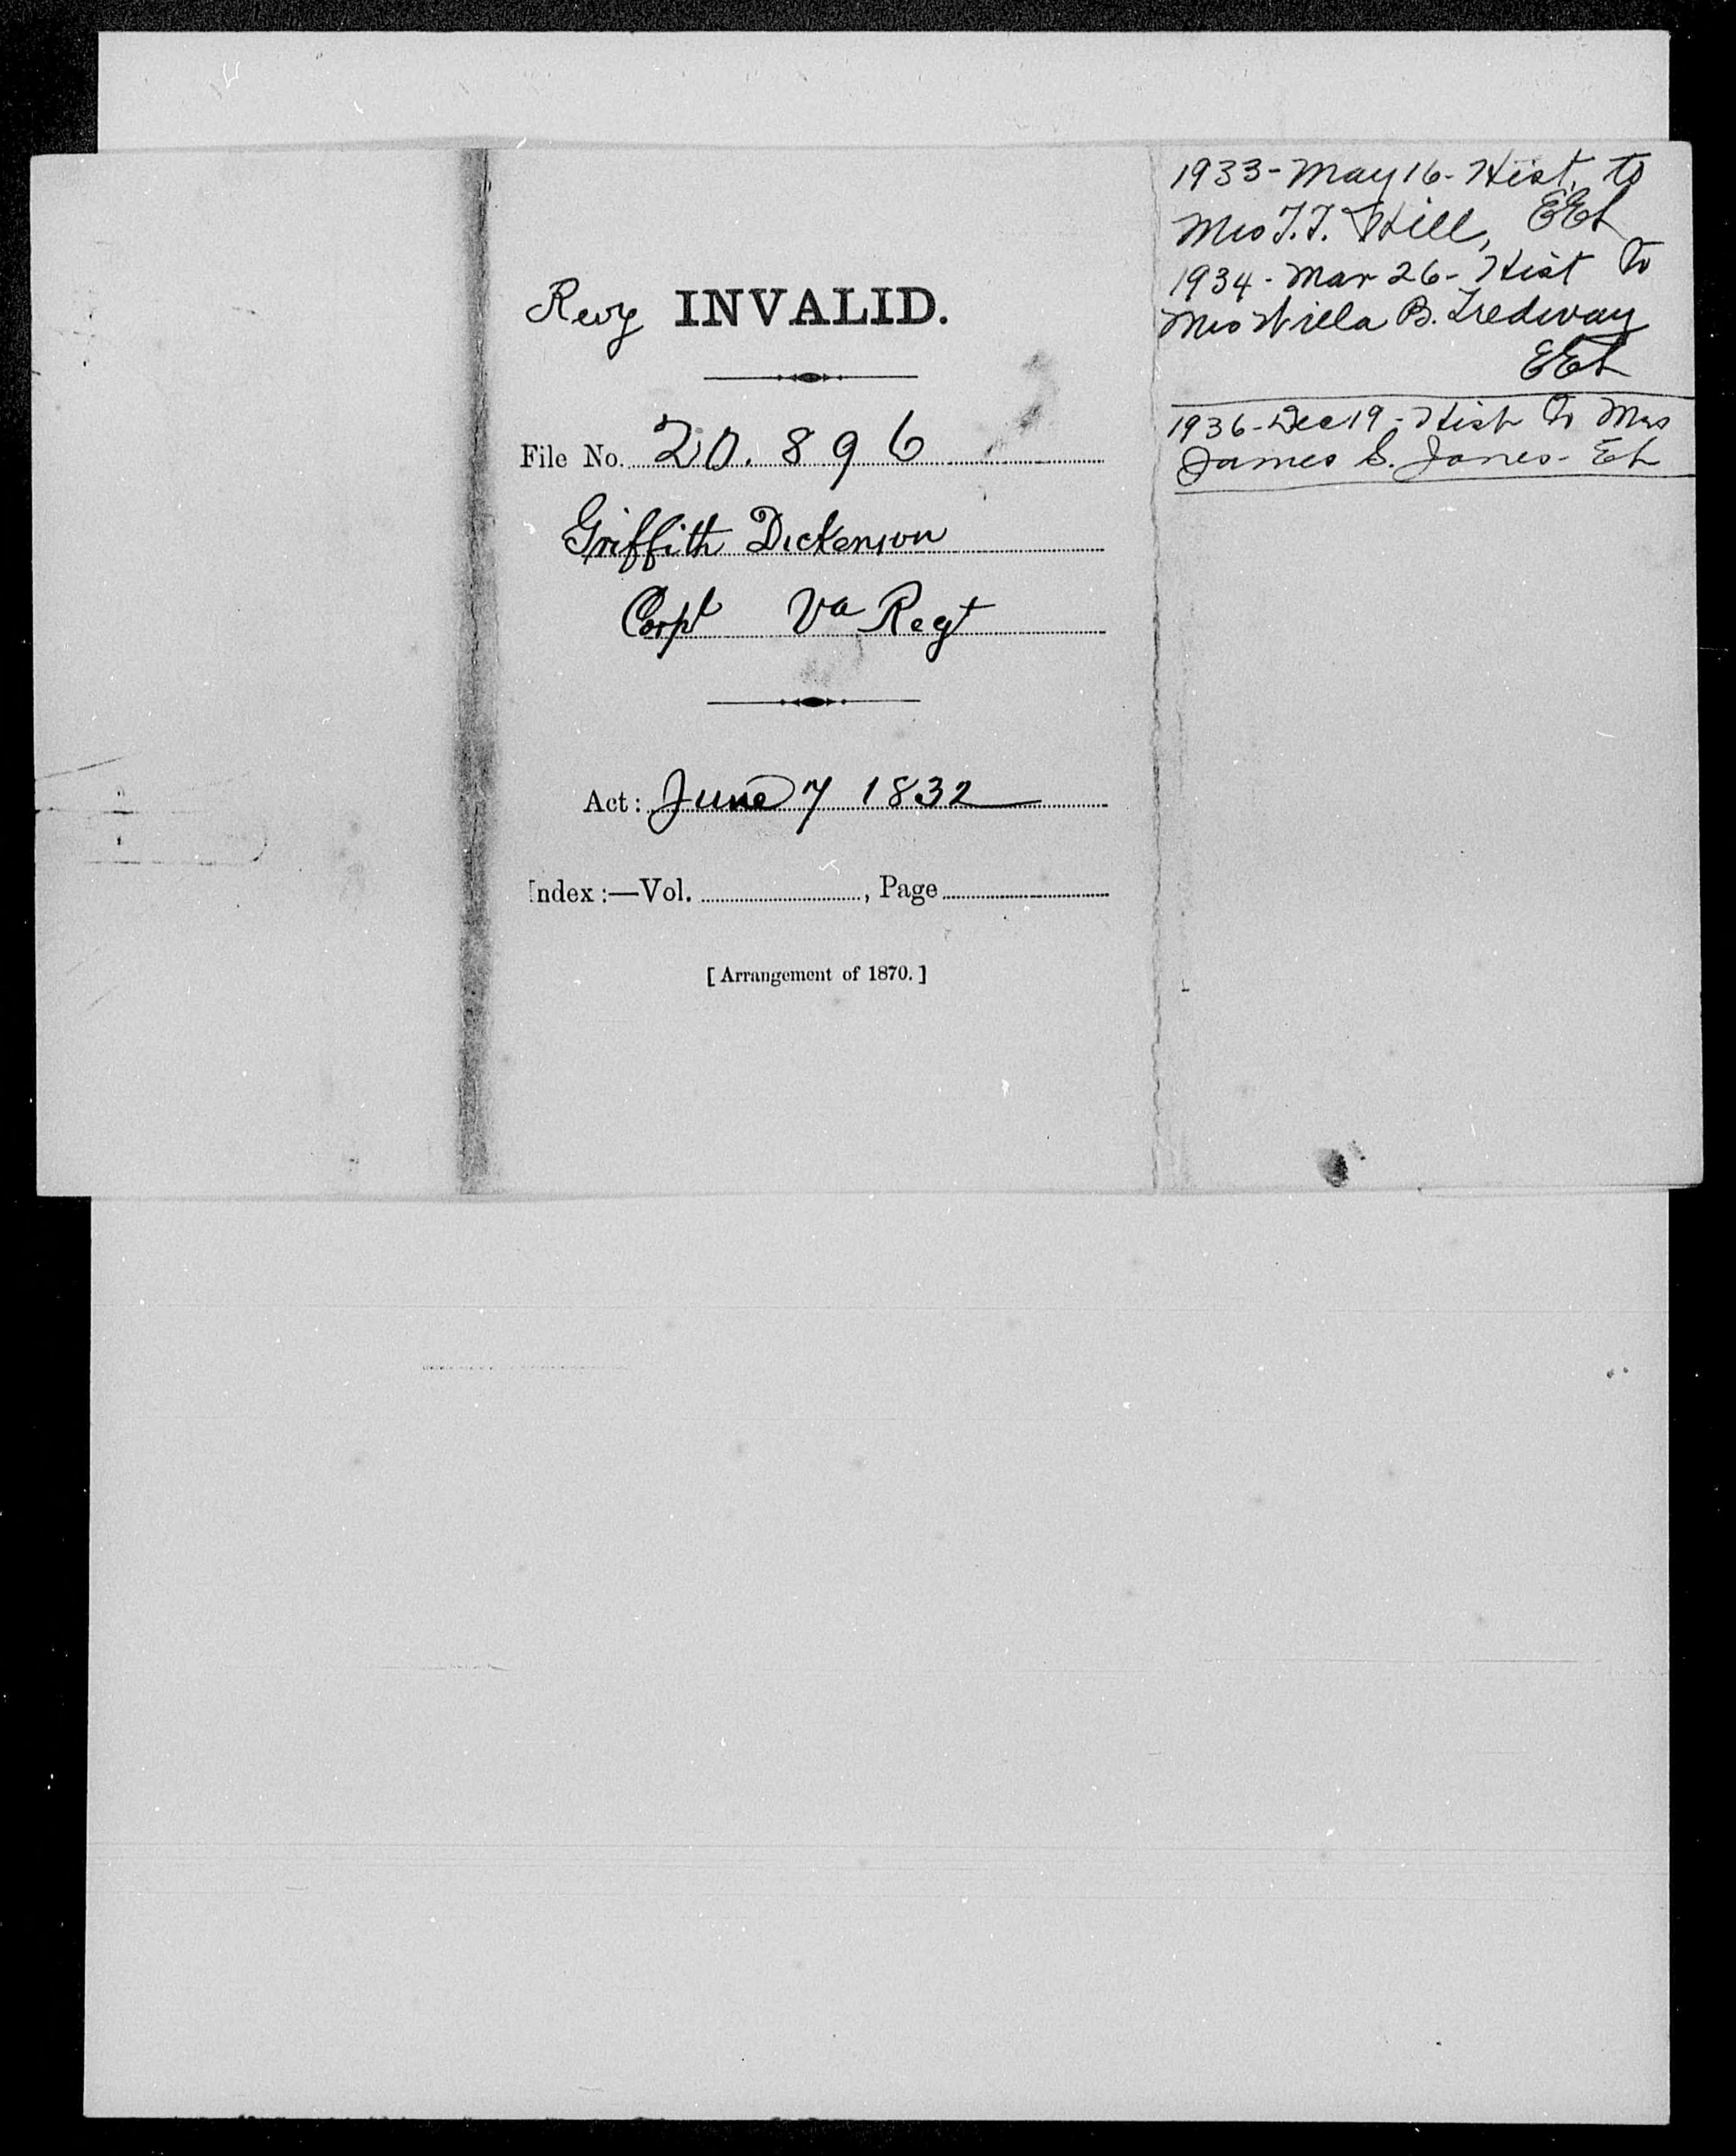Revy INVALID.
File No. 20.896
Griffith Dickerson
Corpl Va. Regt
Act: June 7 1832
Index:-Vol.____, Page___
[Arrangement of 1870.]
1933 - May16 - Hist. to Mrs T.T. Hill, EEL
1934 - Mar 26 - Hist to Mrs Nilla B Tredway EEL
1936 - Dec 19 - Hist to Mrs James S Jones EL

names: Willa B Tredway, Griffith Dickenson, James S Jones, T T Hill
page: 26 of 26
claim: survivor's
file: S. 20896, Griffeth Dickenson, Ga. Va.